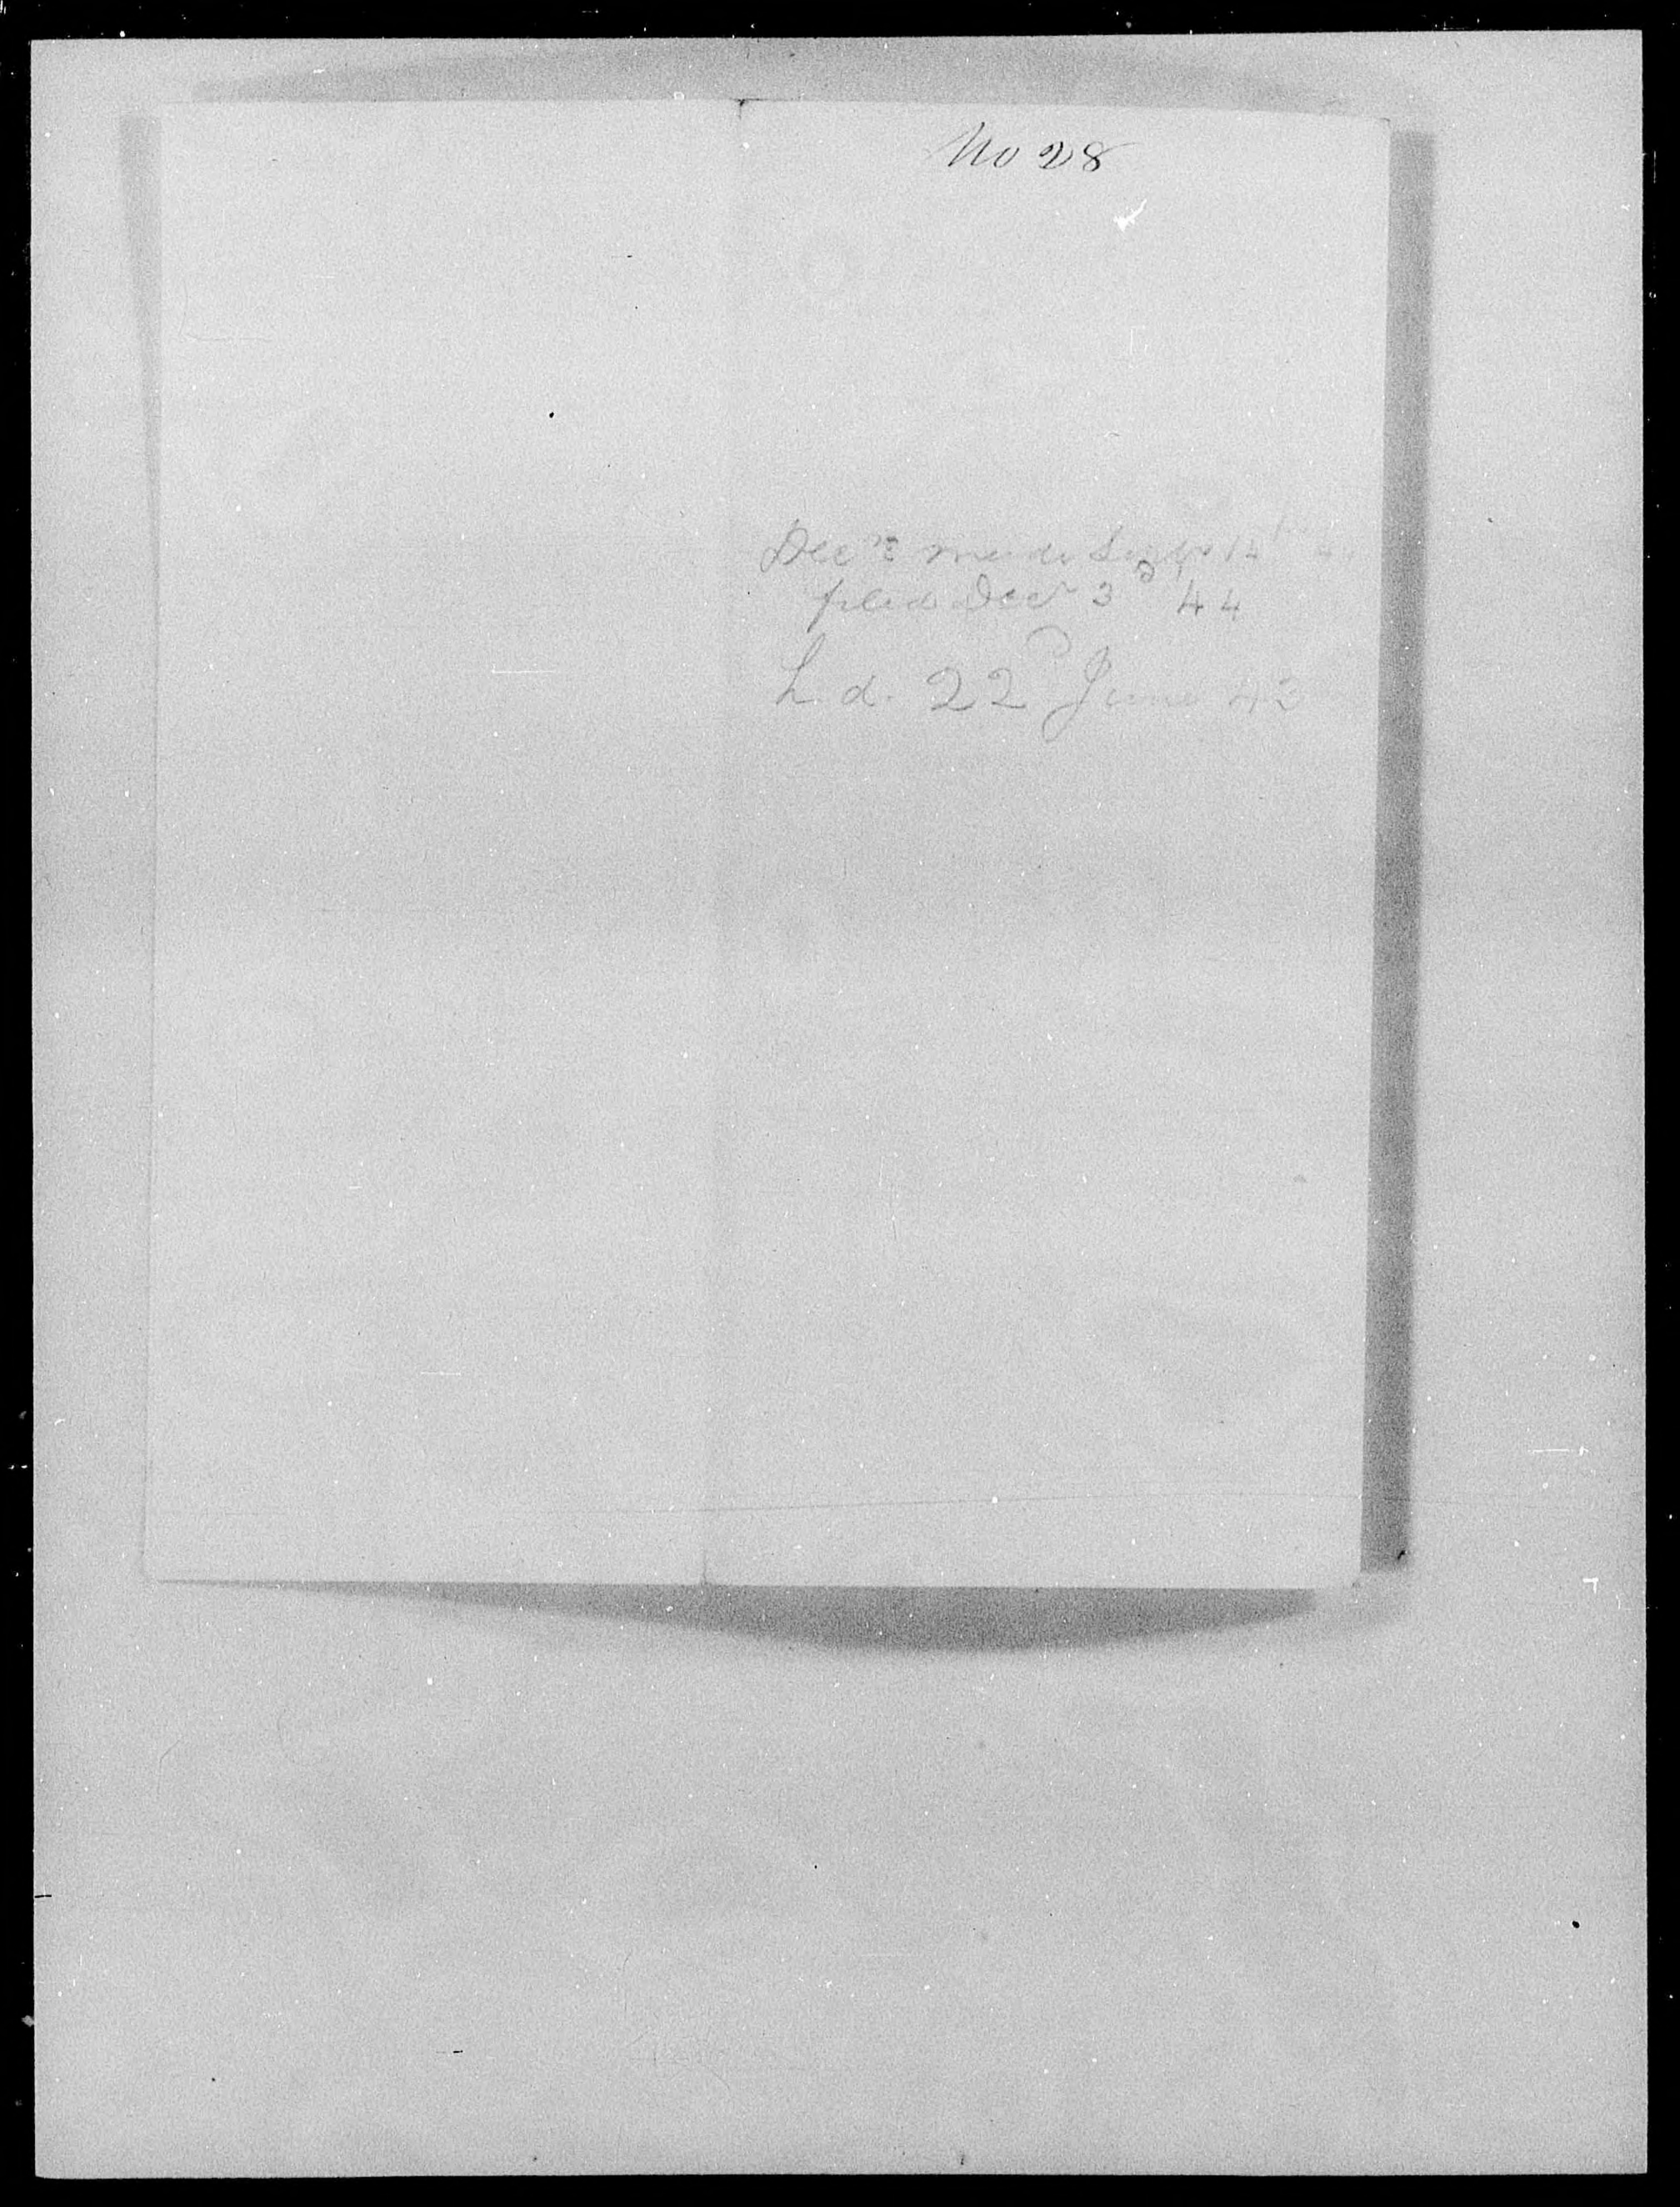No 28
Dec [illegible]
filed Dec 3d 44
L d. 22d June 43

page: 16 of 40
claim: widow's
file: W. 15168, for Foster Paige, Massachusetts